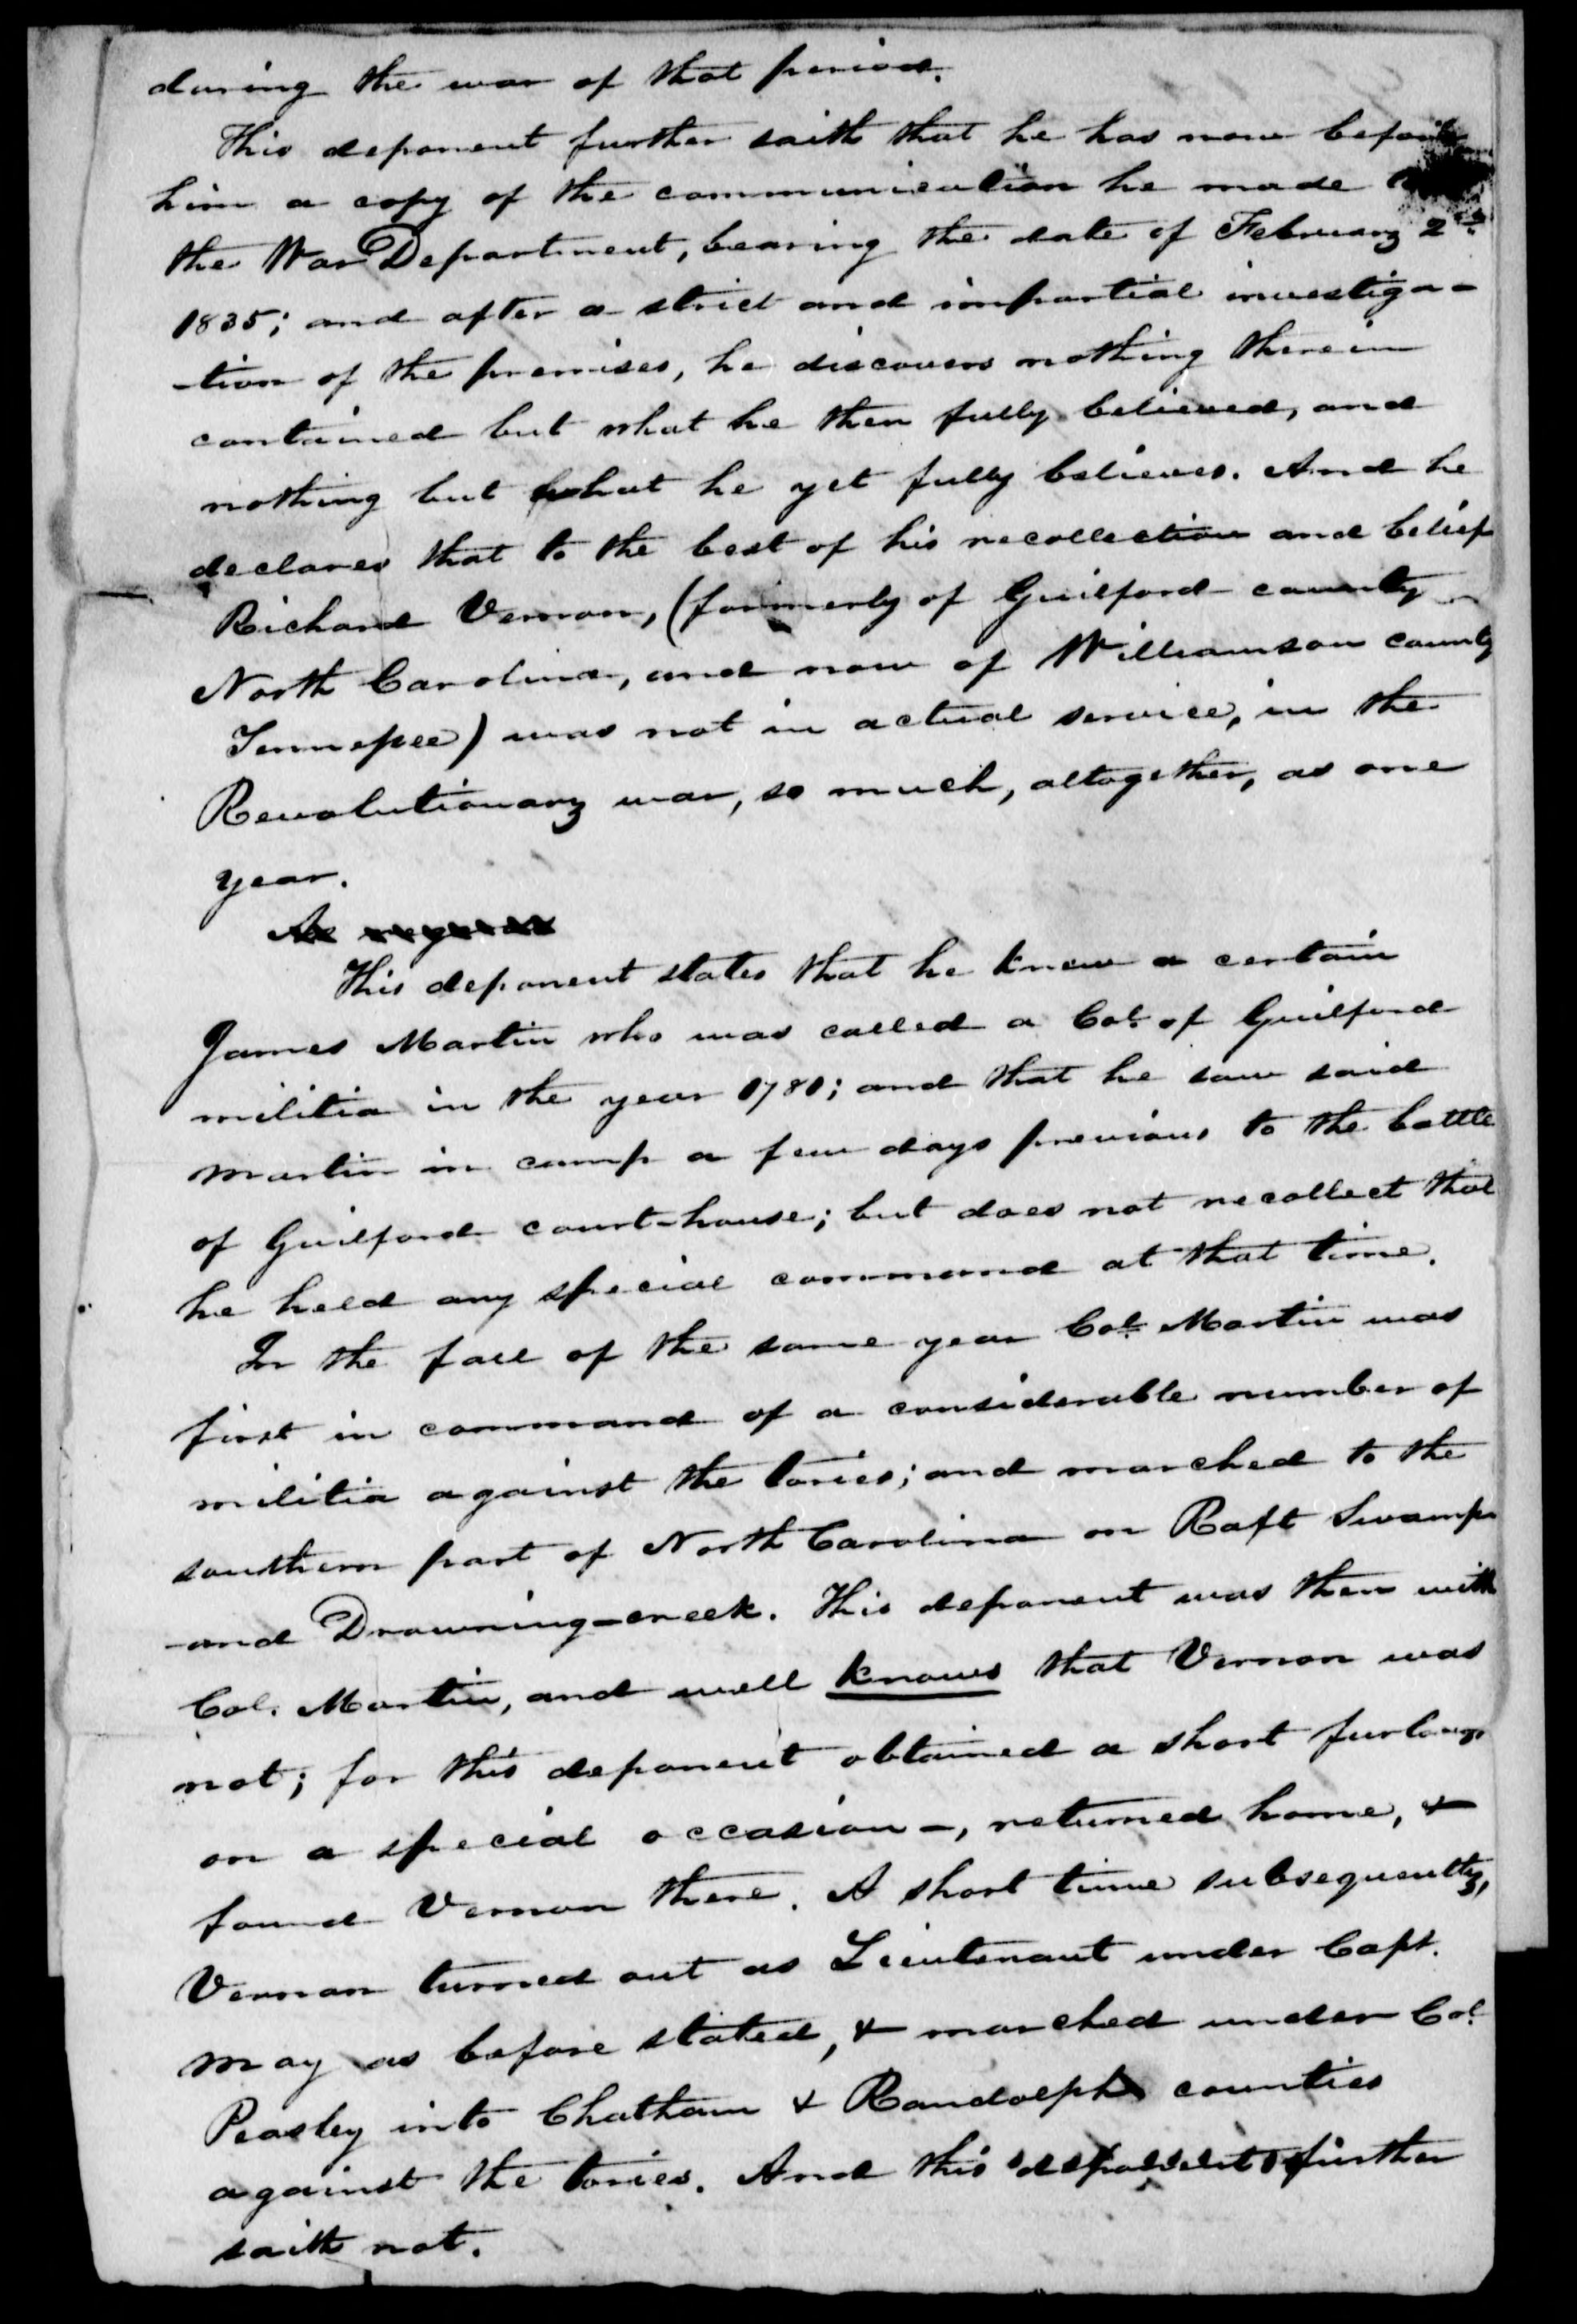during the war of that period.
This deponent further saith that he has now before him a copy of the communication he mad the Ware Department, bearing the date of February 2nd 1835; and after a strict and impartial investigation of the premises, he discusses nothing therein continued but what he then fully believed, and nothing but what he yet fully believes.  And he declares that to the best of his recollection and belief Richard Vernon, (formerly of Guilford county North Carolina, and now of Williamson county Tennessee) was not in actual service in the Revolutionary war, so much, altogether, as one year.
This deponent state that he knows a certain James Martin who was called a Col. of Guilford militia in the year 1780; and that he saw said Martin in camp a few days previous to the battle of Guilford court-house; but does not recollect that he held any special command at that time.
In the face of the same Col. Martin was first in command of a considerable number of militia against the Tories; and marched to the southern part of North Carolina on Raft Swamp and Drowning creek.  This deponent was there with Col. Martin, and well knows that Vernon was not; for this deponent obtained a short furlough on a special occasion, returned home, & found Vernon there. A short time subsequently Vernon turned out as Lieutenant under Capt. May as before stated, & marched under Col. Peasley into Chatham & Randolph counties against the Tories. And this deponent further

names: Martin, May, Vernon, Peasley, Richard Vernon, Vernon, Martin, Martin, James Martin, Vernon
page: 52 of 105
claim: survivor's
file: S. 1883, Richard Vernon, N.C.